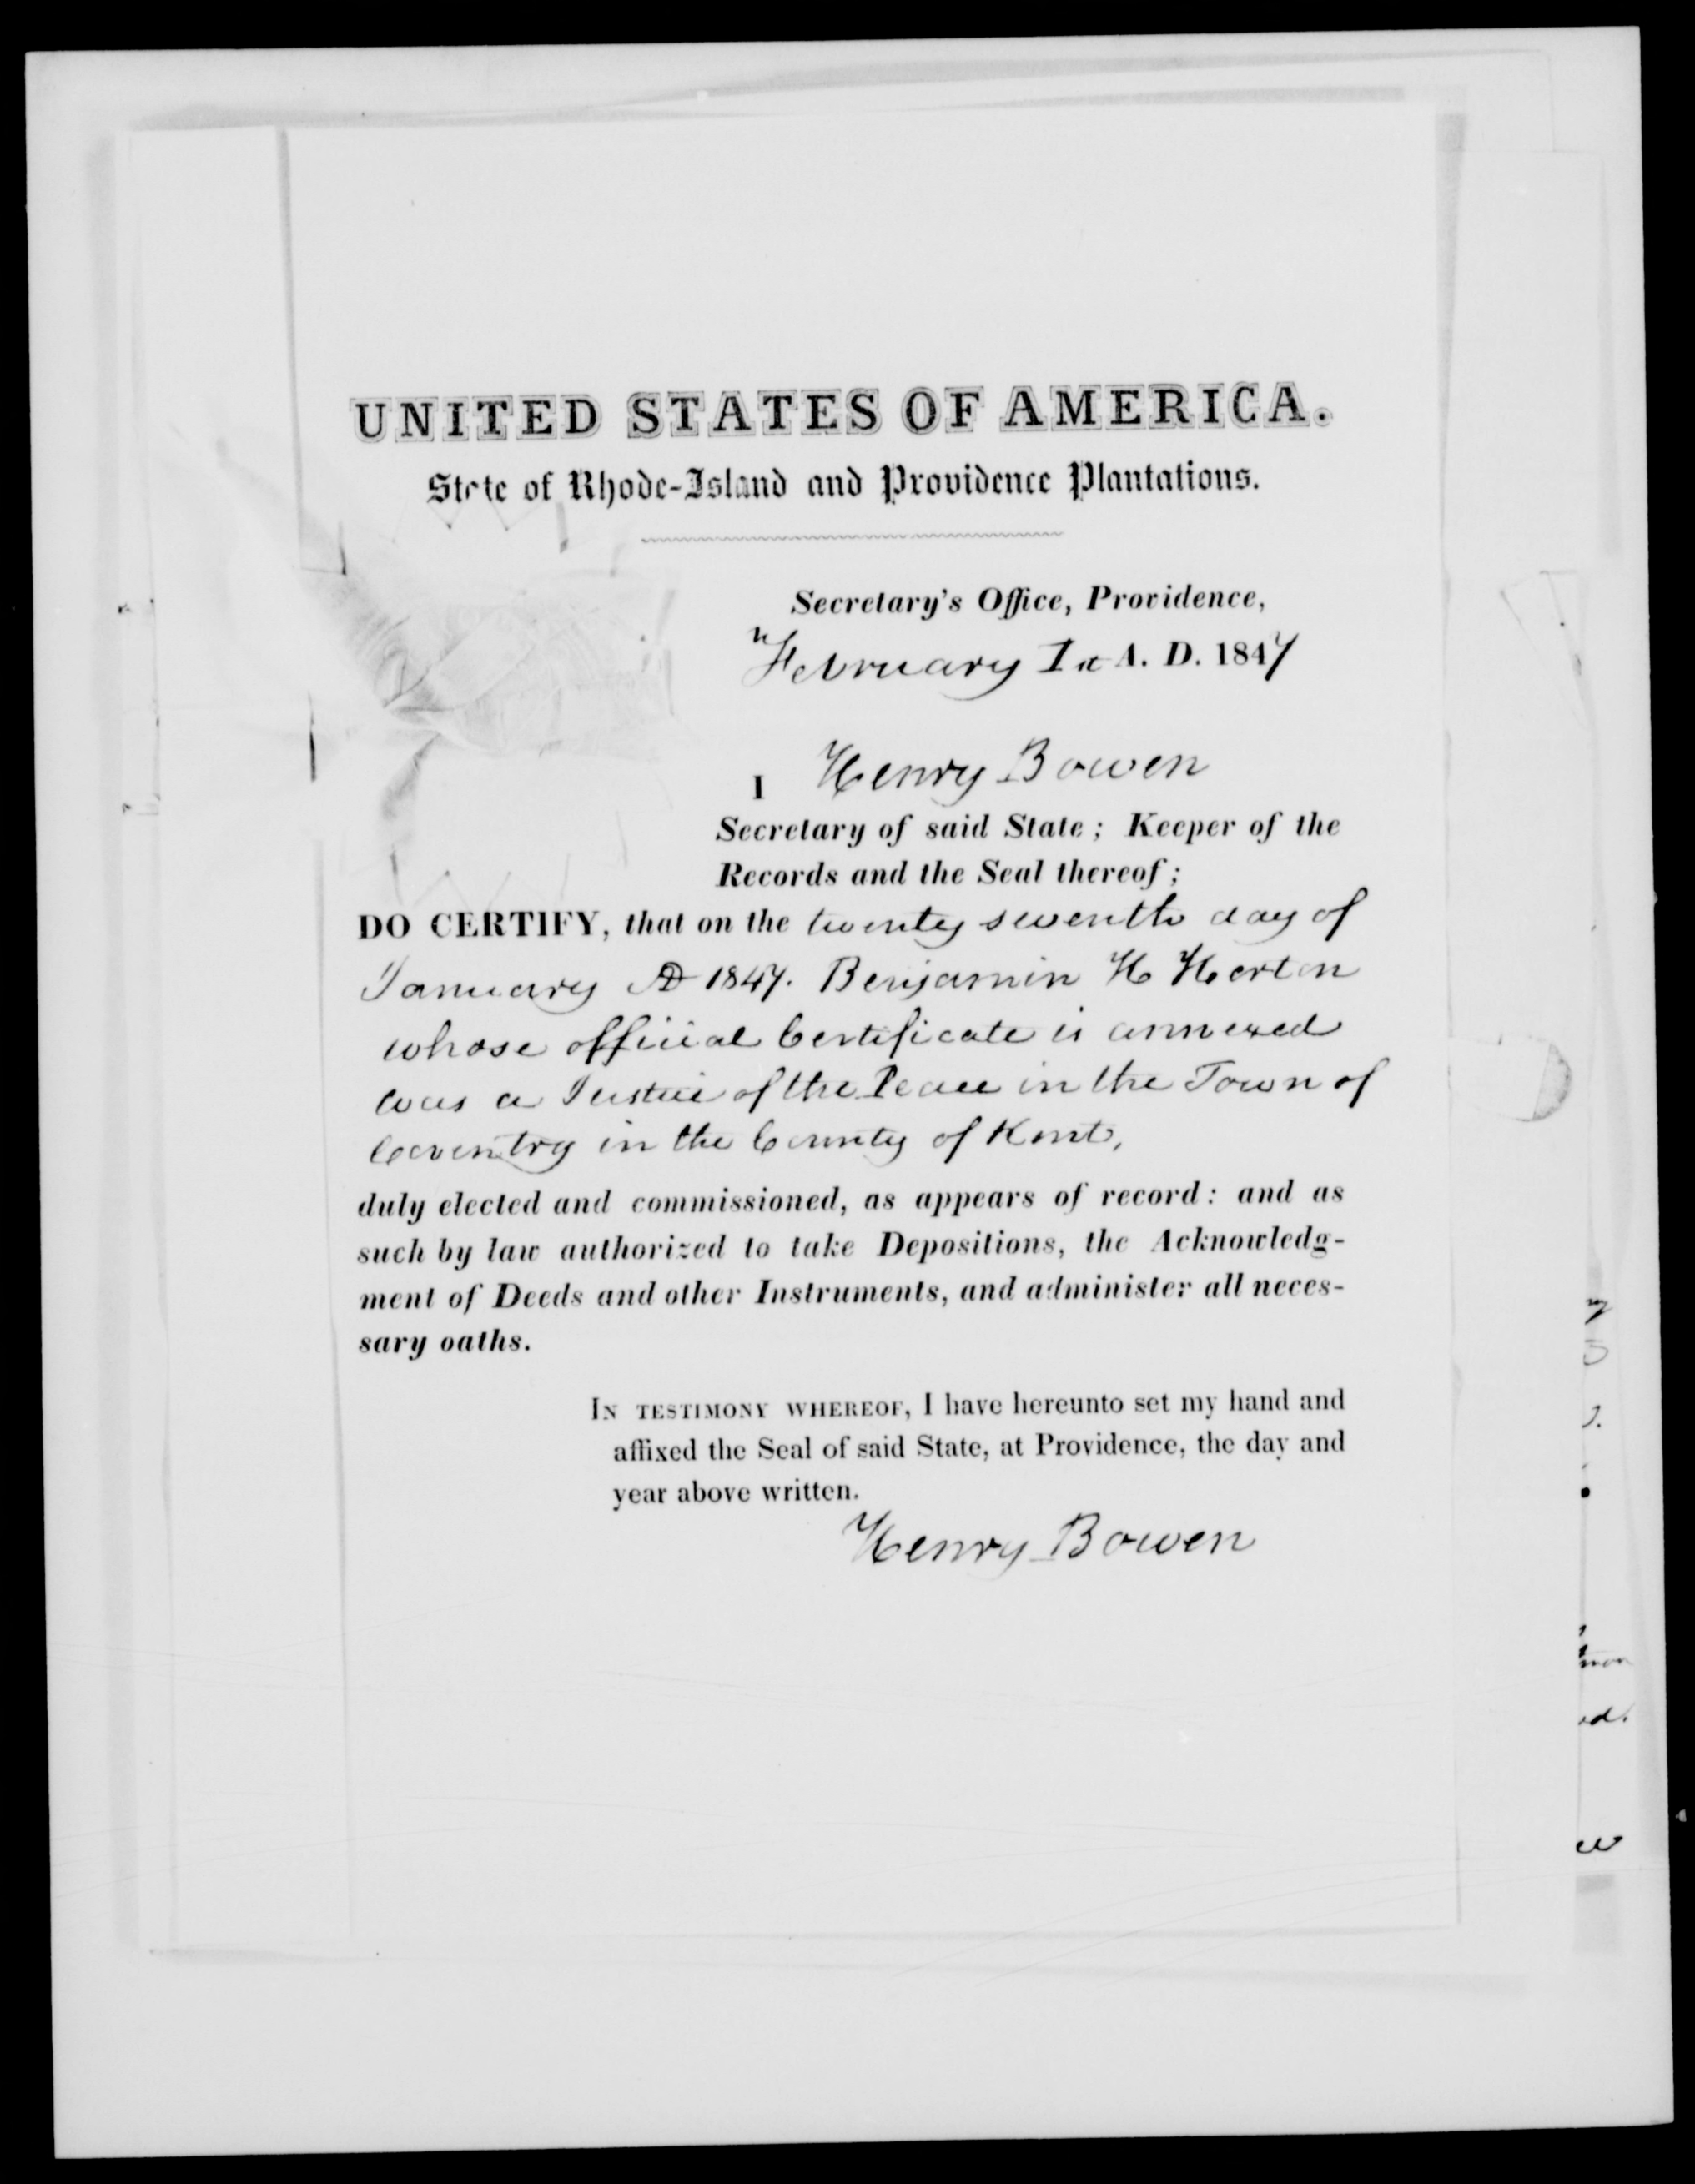UNITED STATES OF AMERICA.
State of Rhode-Island and Providence Plantations.

Secretary’s Office, Providence,

February 1st A. D. 1847

I Henry Bowen
Secretary of said State; Keeper of the Records and the Seal thereof;

DO CERTIFY, that on the twenty seventh day of January A.D. 1847. Benjamin H Horton whose official Certificate is annexed was a Justice of the Peace in the Town of Coventry in the County of Kent, duly elected and commissioned, as appears of record: and as such by law authorized to take Depositions, the Acknowledgment of Deeds and other Instruments, and administer all necessary oaths.
In testimony whereof , I have hereunto set my hand and affixed the Seal of said State, at Providence, the day and year above written.

Henry Bowen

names: Benjamin H Horton, Henry Bowen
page: 43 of 53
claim: widow's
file: W 17707, Benjamin Weaver, R.I.